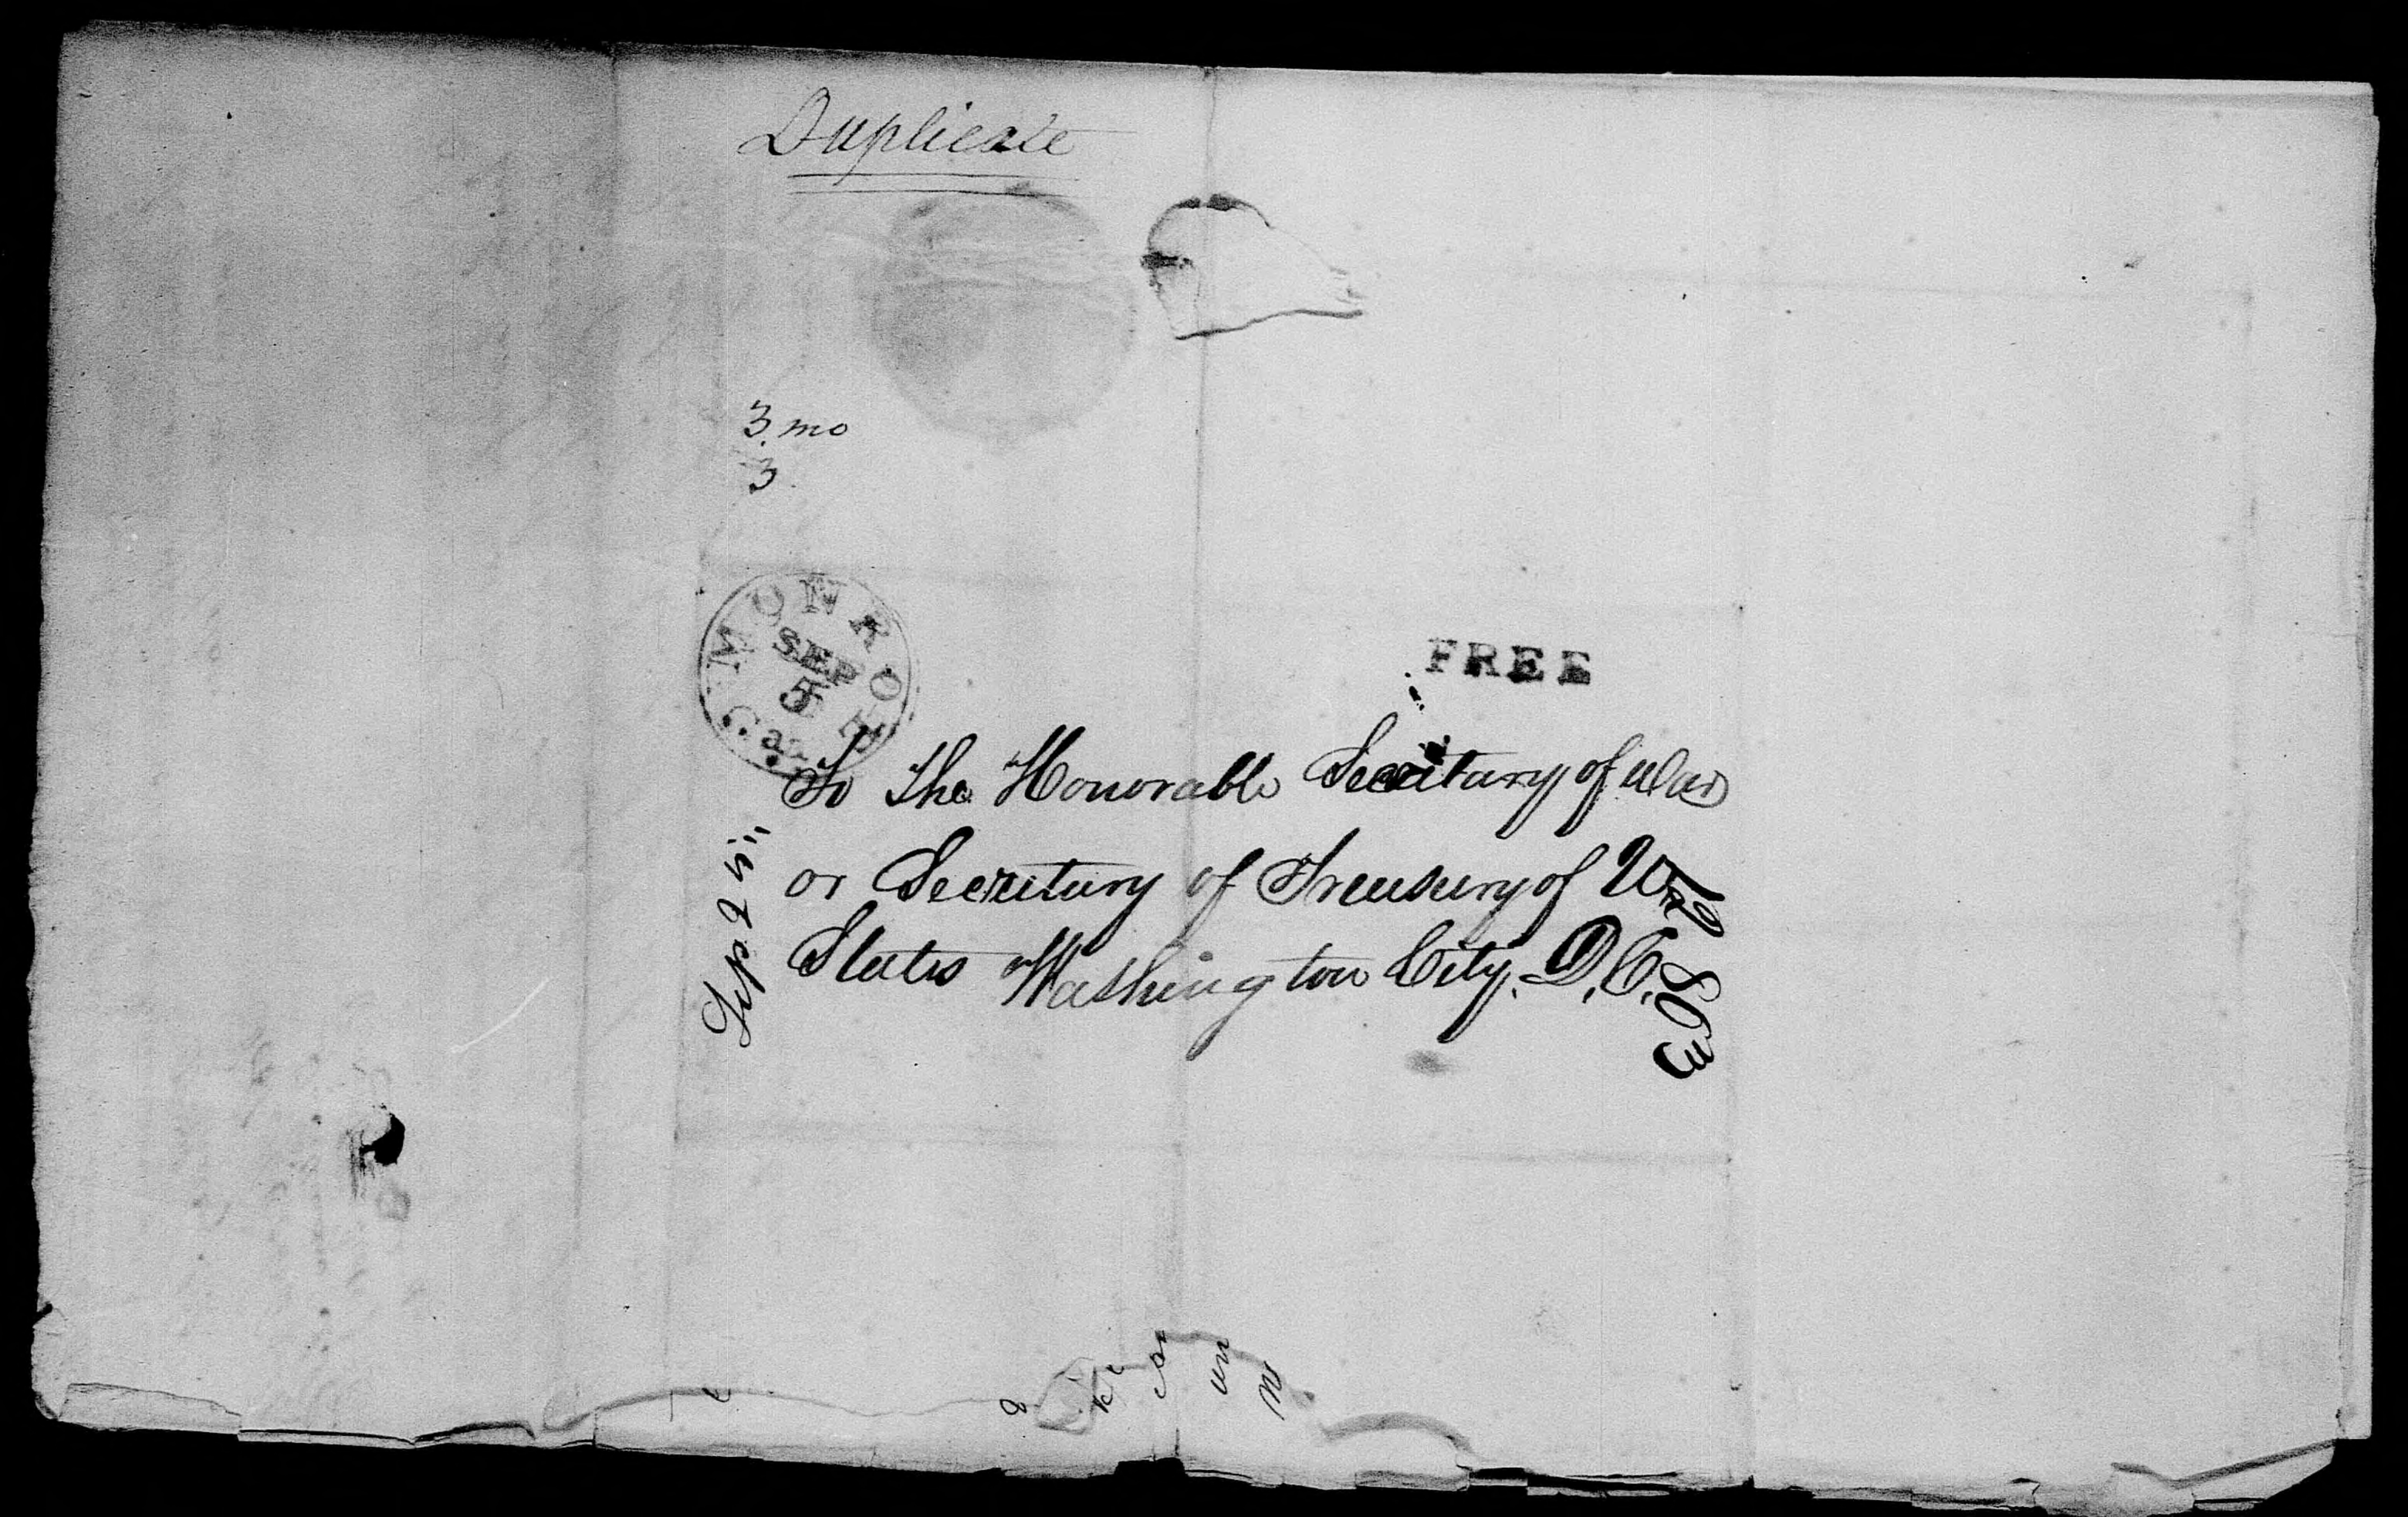Duplicate 
3 Mo 
3 
FREE
[postmark: MONROE SEP 5]
To the Honorable Secretary of War or Secretary of Treasury of U States Washington City D.C.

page: 14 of 62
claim: survivor's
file: S. 38816, Benjamin Harris, Mass.